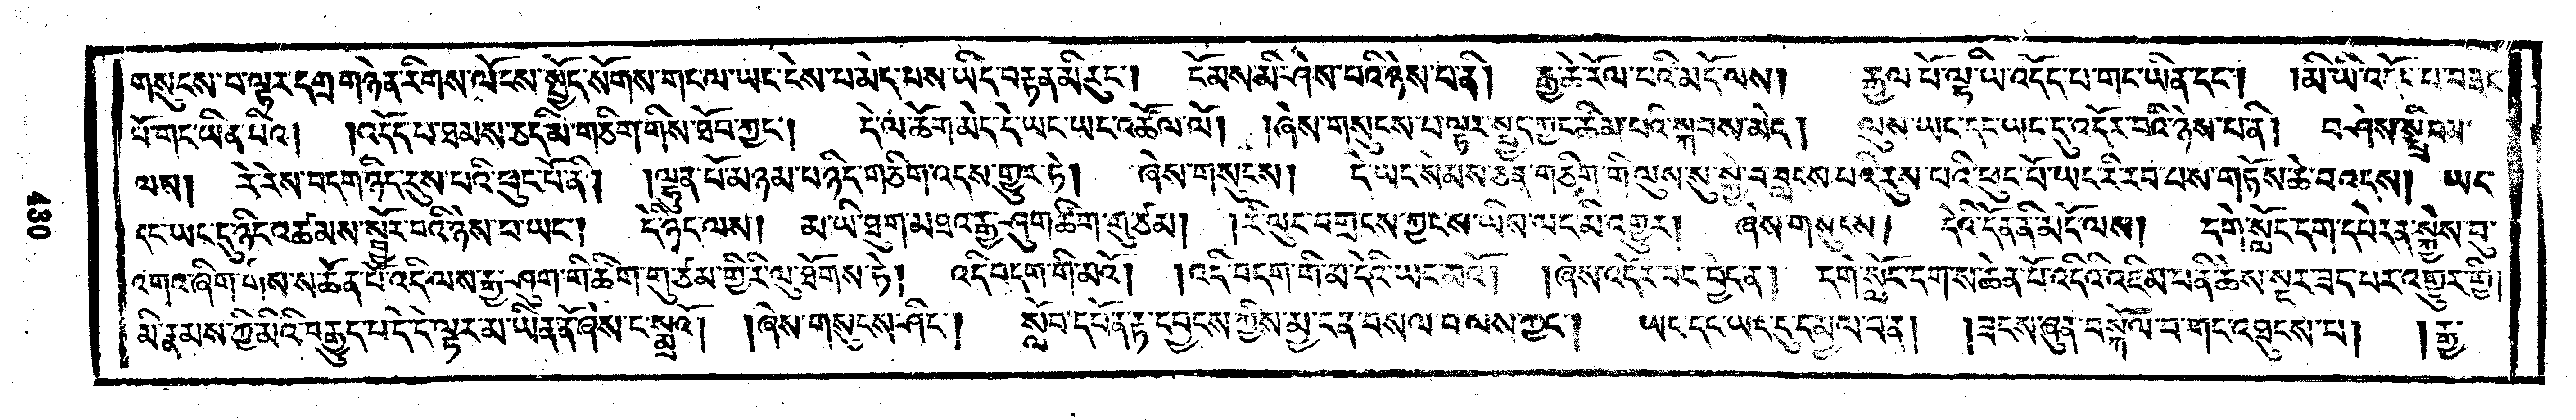གསུངས་པ་ལྟར་དགྲ་གཉེན་རིགས་ལོངས་སྤྱོད་སོགས་གང་ལ་ཡང་ངེས་པ་མེད་པས་ཡིད་བརྟན་མི་རུང་། ངོམས་མི་ཤེས་པའི་ཉེས་པ་ནི། རྒྱ་ཆེ་རོལ་པའི་མདོ་ལས། རྒྱལ་པོ་ལྷ་ཡི་འདོད་པ་གང་ཡིན་དང་། །མི་ཡི་འདོང་པ་བཟང་
པོ་གང་ཡིན་པའི། །འདོད་པ་ཐམས་ཅད་མི་གཅིག་གིས་ཐོབ་ཀྱང་། དེ་ལ་ཆོག་མེད་དེ་ཡང་ཡང་འཚོལ་ལོ། །ཞེས་གསུངས་པ་ལྟར་སྤྱད་ཀྱང་ཚིམ་པའི་སྐབས་མེད། ལུས་ཡང་དང་ཡང་དུ་འདོར་བའི་ཉེས་པ་ནི། བཤེས་སྤྲིབ་མ་
ལས། རེ་རེས་བདག་ཉིད་རུས་པའི་ཕུང་པོ་ནི། །ལྷུན་པོ་མཉམ་པ་ཉིད་གཅིག་འདས་གྱུར་ཏེ། ཞེས་གསུངས། དེ་ཡང་སེམས་ཅན་གཅིག་གི་ལུས་སུ་སྐྱེ་བ་བླངས་པའི་རུས་པའི་ཕུང་པོ་ཡང་རི་རབ་པས་གཏོས་ཆེ་བ་འདས། ཡང་
དང་ཡང་དུ་ཉིད་འཚམས་སྦྱོར་བའི་ཉེས་པ་ཡང་། དེ་ཉིད་ལས། མ་ཡི་ཐུག་མཐའ་རྒྱ་ཤུག་ཚིག་དགུ་ཙམ། །རི་ལུང་བགྲངས་ཀྱང་ས་ཡིས་ལང་མི་འགྱུར། ཞེས་གསུངས། དེའི་དོན་ནི་མདོ་ལས། དགེ་སློང་དག་དཔེར་སྐྱེས་བུ་
འགའ་ཞིག་གིས་ས་ཆོན་པོ་འདི་ལས་རྒྱ་ཤུག་གི་ཚིག་གུ་ཙམ་གྱི་རི་ལུ་ཐོགས་ཏེ། འདི་བདག་གི་མའོ། །འདི་བདག་གི་མ་དེའི་ཡང་མའོ། །ཞེས་འདོར་བང་བྱེད་ན། དགེ་སློང་དག་ས་ཆེན་པོ་འདིའི་འཇིམ་པ་ནི་ཆེས་སྔར་ཟད་པར་འགྱུར་གྱི།
མི་རྣམས་ཀྱི་མིའི་བརྒྱུད་པ་དེ་དེ་ལྟར་མ་ཡིན་ནོ་ཞེས་ང་སྨྲའོ། །ཞེས་གསུངས་ཤིང་། སློབ་དཔོན་རྟ་དབྱངས་ཀྱིས་མྱ་ངན་བསལ་བ་ལས་ཀྱང་། ཡང་དང་ཡང་དུ་དམྱལ་བ་ན། །ཟངས་ཞུན་བསྐོལ་བ་གང་འཐུངས་པ། །རྒྱ་